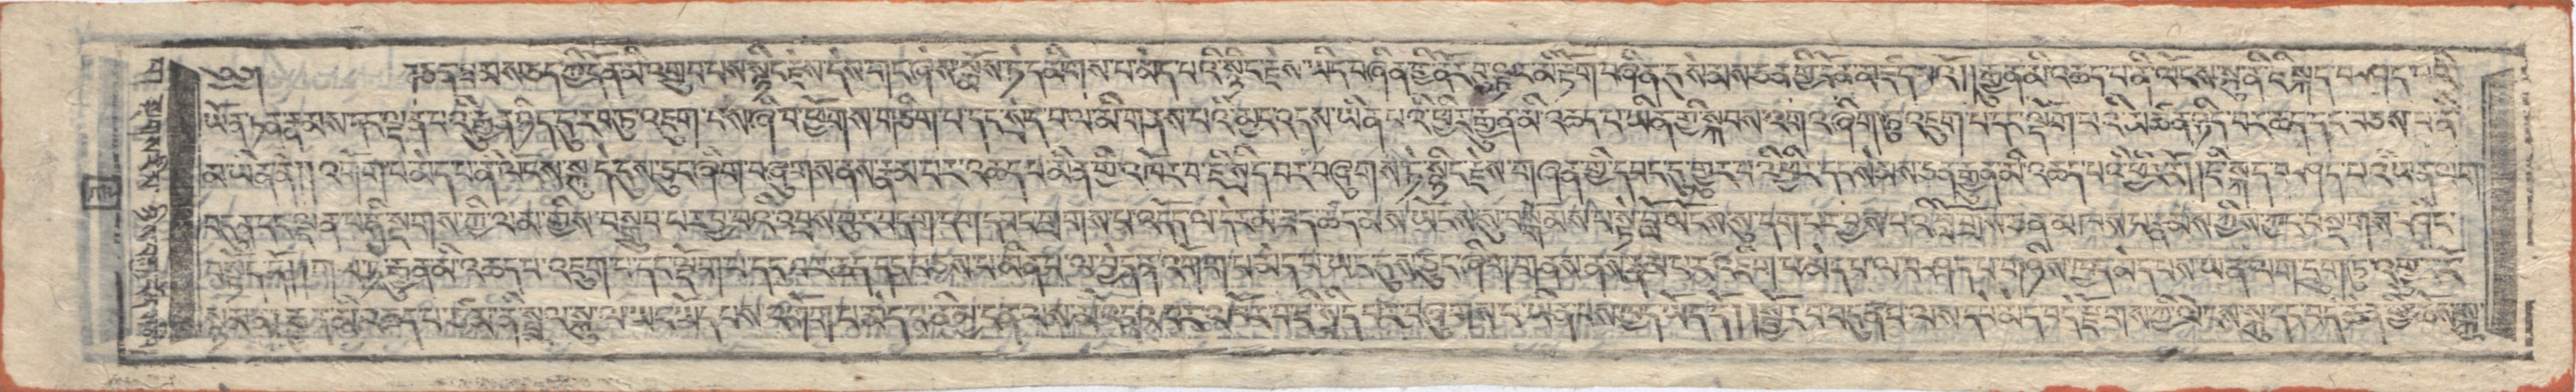༄༅། །ཅན་ཐམས་ཅད་ཀྱི་དོན་མི་འགྲུབ་པས་སྙིང་རྗེས་དེས་གང་ཞེས་སྨོས་ཏེ་དམིགས་པ་མེད་པའི་སྙིང་རྗེས་ཡིད་བཞིན་གྱི་ནོར་བུ་ལྟར་མི་རྟོག་བཞིན་དུ་སེམས་ཅན་གྱི་དོན་མཛད་པའོ། །རྒྱུན་མི་འཆད་པ་ནི་ལོངས་སྐུ་ནི་ཇི་སྐད་བཤད་པའི་
ཡོན་ཏན་རྣམས་དང་ལྡན་པའི་རྒྱུན་ཉིད་དུ་རབ་ཏུ་འཇུག་པས་ཞི་བ་ཕྱོགས་གཅིག་པ་དང་སྲིད་པ་ལ་མི་གནས་པའི་མྱང་འདས་ཡིན་པའི་ཕྱིར་རྒྱུན་མི་འཆད་པ་ཡིན་གྱི་སྐབས་འགའ་ཞིག་ཏུ་འཇུག་པ་དང་ལྡོག་པའི་མཚན་ཉིད་བར་ཆད་དང་བཅས་པ་ནི་
མ་ཡིན་ནོ། །འགོག་པ་མེད་པ་ནི་ལོངས་སྐུ་དེ་དུས་ཅུང་ཞིག་བཞུགས་ནས་རྣམ་པར་འཆད་པ་མིན་གྱི་འཁོར་བ་ཇི་སྲིད་བར་བཞུགས་ཏེ་སྙིང་རྗེས་གཞན་གྱི་དབང་དུ་གྱུར་པའི་ཕྱིར་དང་སེམས་ཅན་རྒྱུན་མི་འཆད་པའི་ཕྱིར་རོ། །ཇི་སྐད་བཤད་པའི་ཡན་ལག་
བདུན་དང་ལྡན་པ་ནི་སྔགས་ཀྱི་ལམ་གྱིས་བསྒྲུབ་པར་བྱ་བའི་འབྲས་བུར་བདག་དག་དབང་གྲགས་པ་འདོད་ལ་དེར་མ་ཟད་ཚད་མས་ཡོངས་སུ་བསྒོམས་པ་སྟེ་བློ་ཡོངས་སུ་དག་པར་བྱས་པའི་བློ་གྲོས་ཅན་མཁས་པ་རྣམས་ཀྱིས་ཀྱང་བསྔགས་ཤིང་
བསྟོད་དོ། །གལ་ཏེ་རྒྱུན་མི་འཆད་པ་འཇུག་པ་དང་ལྡོག་པ་དང་བར་ཆད་དང་བཅས་པ་མིན་པ་ལ་བྱེད་ན་འགོག་པ་མེད་པ་ཡང་དུས་ཅུང་ཞིག་གནས་ནས་རྣམ་པར་འཇིག་པ་མེད་པ་ལ་བཤད་པ་གཉིས་ཁྱད་མེད་པས་ཡན་ལག་དྲུག་ཏུ་འགྱུར་རོ་
སྙམ་ན། རྒྱུན་མི་འཆད་པ་ཙམ་ནི་སྤྲུལ་སྐུ་ལ་ཡང་ཡོད་པས་འགོག་པ་མེད་པ་ནི་མྱ་ངན་ལས་མི་འདའ་བར་འཁོར་བ་ཇི་སྲིད་པར་བཞུགས་པ་ཡིན་པས་ཁྱད་ཡོད་དོ། །སྦྱོར་བ་བདུན་པ་ལས་དཔེ་མེད་བདེ་རྫོགས་ཀྱི་ལོངས་སྐུ་དང་བདེ་ཆེན་གྱི་ཆོས་སྐུ་